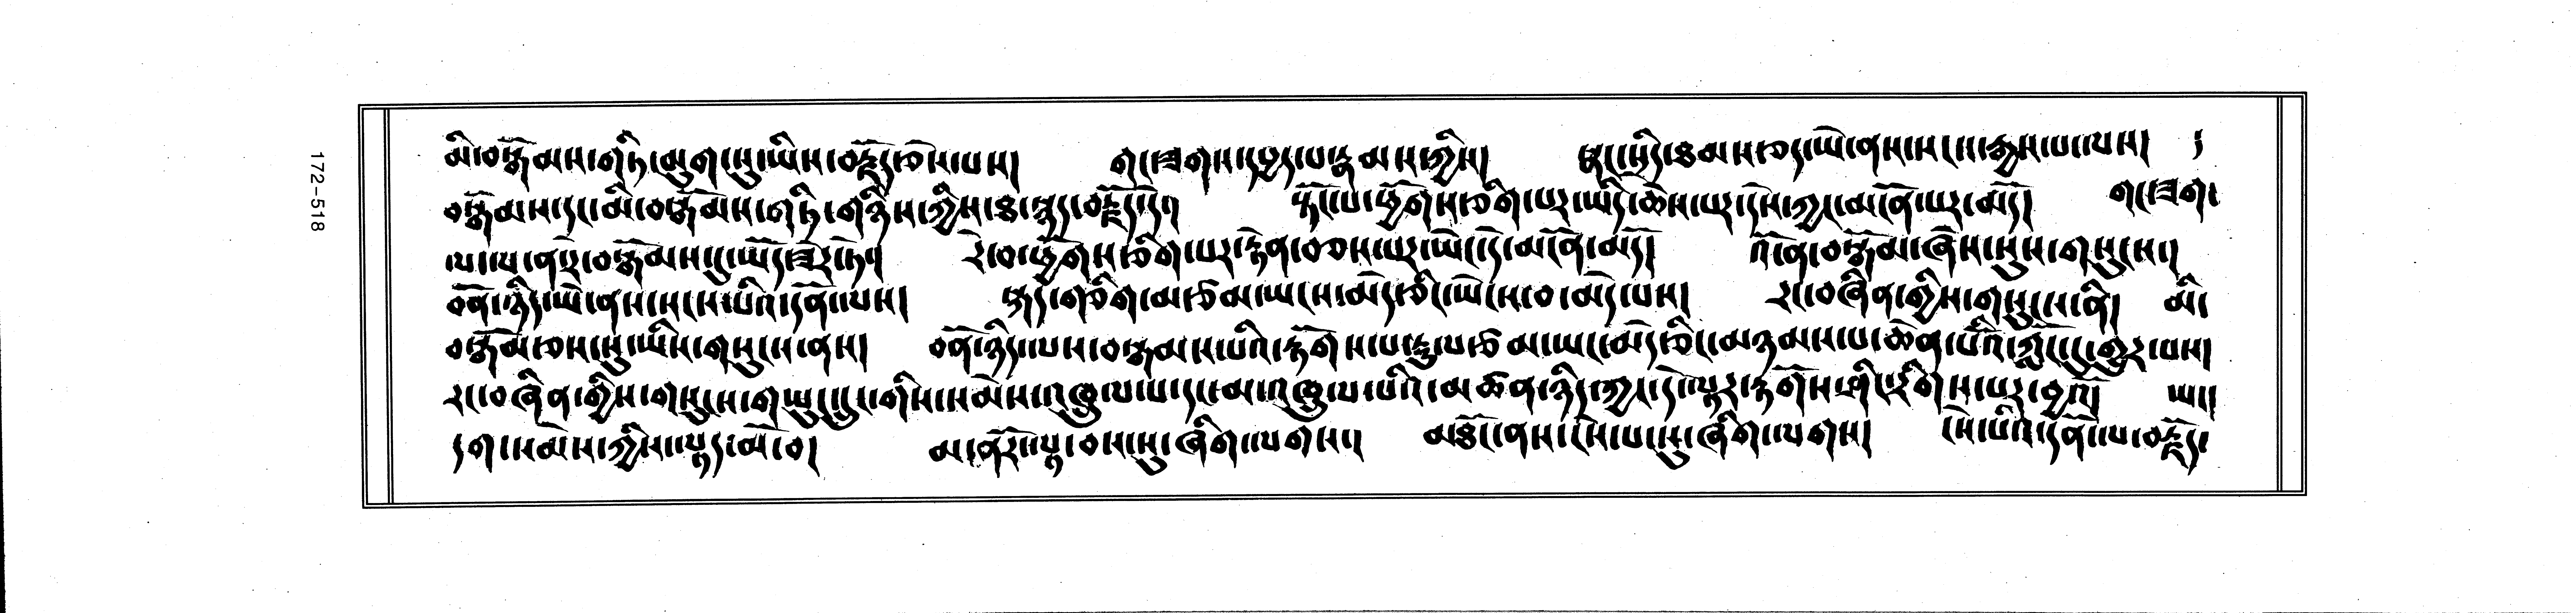མི་བསྒོམས་གཏི་མུག་སུ་ཡིས་བརྗོད་ཅེས་པས། གང་ཟགས་དཔྱད་པ་རྣམས་ཀྱིས། སྣང་སྲིད་ཐམས་ཅད་ཡེ་ནས་སངས་རྒྱས་པ་ལས། 
བསྒོམས་དང་མི་བསྒོམས་གཏི་གཉིས་ཀྱིས་ཐ་སྙད་བརྗོད་དེ། སྟོང་པ་ཕྱོགས་ཅིག་པར་ཡིད་ཆེས་པར་དེས་ཀྱང་མངོན་པར་མདོ། གང་ཟག་
ལ་ལ་ན་རེ་བསྒོམས་དུ་ཡོད་ཟེར་ཏེ། རེ་བ་ཕྱོགས་ཅི་པར་རྟེན་བཅས་པར་ཡེང་དེ་མངོན་མདོ། འོ་ན་བསྒོམ་ཞེས་སུས་གསུངས། 
བོན་ཉིད་ཡེ་ནས་སངས་པའི་དོན་ལས། སྐད་གཅིག་མ་ཙམ་ཡང་མེད་ཅིང་གཡེངས་བ་མེད་པས། རང་བཞིན་གྱིས་གསུངས་ནི། མི་
བསྒོམ་ཅེས་སུ་ཡིས་གསུངས་ནས། བོན་ཉིད་ལས་བསྒོམས་པའི་རྟོགས་པ་རྡུལ་ཙམ་ཡང་མེད་ཅིང་མཉམ་པ་ཆེན་པོའི་ཀློང་དུ་གྱུར་པས། 
རང་བཞིན་གྱིས་གསུངས་གཡུང་དྲུང་གིས་སེམས་འཁྲུལ་པ་དང་མ་འཁྲུལ་པའི་མཚན་ཉིད་ཀྱང་དེ་ལྟར་རྟོགས་ཤིང་རིག་པར་བྱའོ། ཡང་
དག་སེམས་ཀྱིས་ལྟད་མོ་བ། མ་ནོར་ལྟ་བས་སུ་ཞིག་ལགས། མཐོང་ནས་ངེས་པ་སུ་ཞིག་ལགས། ངེས་པའི་དོན་ལ་བརྗོད་དུ་མེད་ཅེས་པས།